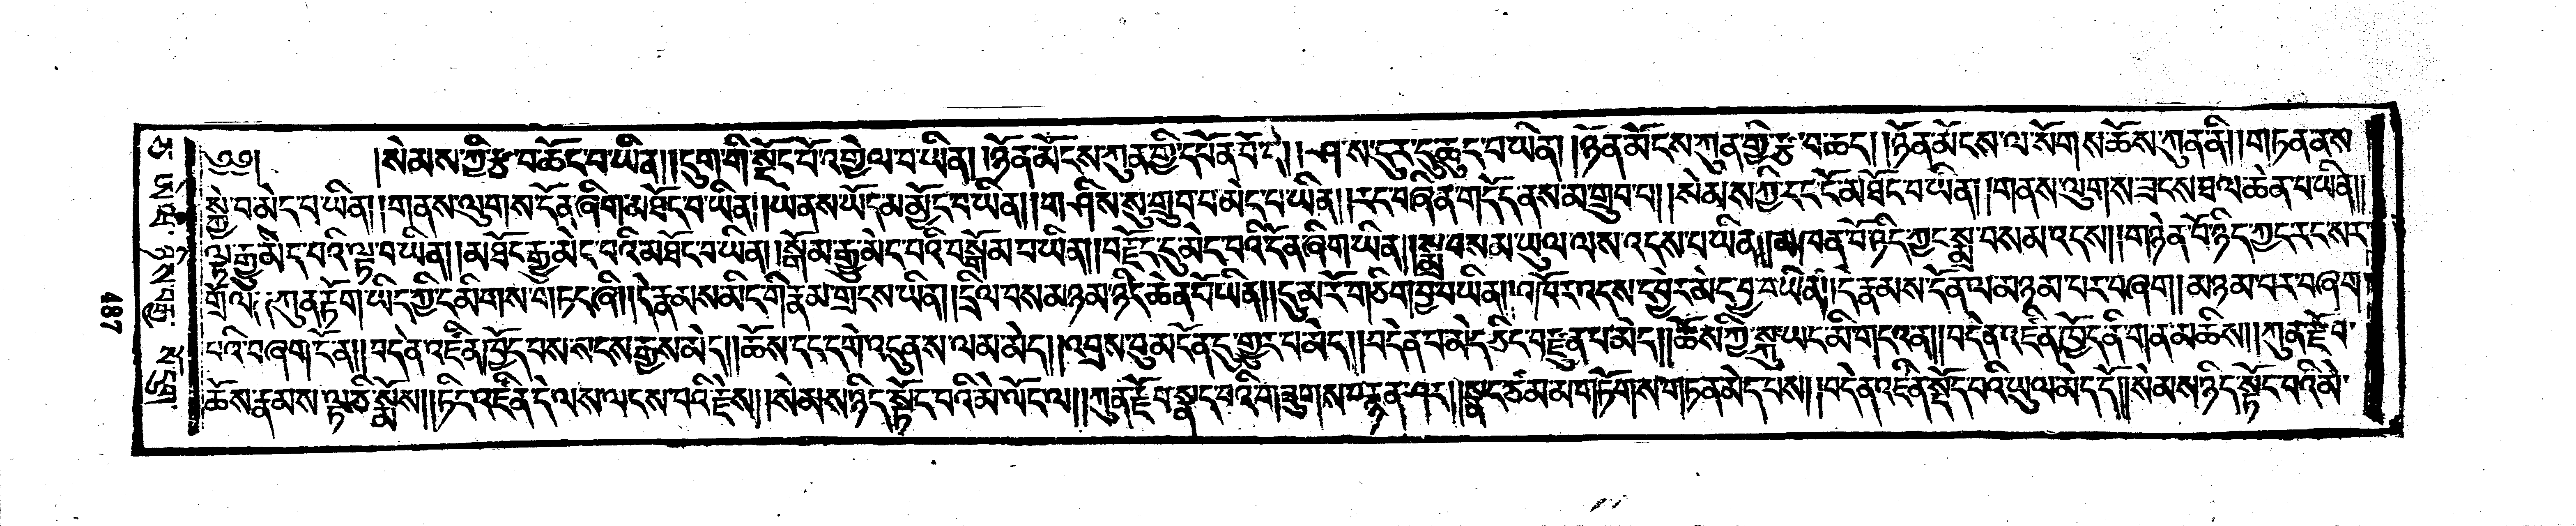༄༅། །སེམས་ཀྱི་རྩ་བ་ཆོད་པ་ཡིན། །དུག་གི་སྡོང་པོ་འགྱེལ་བ་ཡིན། །ཉོན་མོངས་ཀུན་གྱི་དཔོན་པོ་དེ། །ཤི་ས་དུར་དུ་ཆུད་པ་ཡིན། །ཉོན་མོངས་ཀུན་གྱི་རྩ་བ་ཆད། །ཉོན་མོངས་ལ་སོགས་ཆོས་ཀུན་ནི། །གཏན་ནས་
སྐྱེ་བ་མེད་པ་ཡིན། །གནས་ལུགས་དོན་ཞིག་མཐོང་བ་ཡིན། །ཡེ་ནས་ཡོད་མ་མྱོང་བ་ཡིན། །གཤིས་སུ་གྲུབ་པ་མེད་པ་ཡིན། །རང་བཞིན་གདོད་ནས་མ་གྲུབ་པ། །སེམས་ཀྱི་རང་ངོ་མཐོང་བ་ཡིན། །གནས་ལུགས་ཟང་ཐལ་ཆེན་པོ་ཡིན། །
ལྟ་རྒྱུ་མེད་པའི་ལྟ་བ་ཡིན། །མཐོང་རྒྱུ་མེད་པའི་མཐོང་བ་ཡིན། །སྒོམ་རྒྱུ་མེད་པའི་བསྒོམ་པ་ཡིན། །བརྗོད་དུ་མེད་པའི་དོན་ཞིག་ཡིན། །སྨྲ་བསམ་ཡུལ་ལས་འདས་པ་ཡིན། །མཁན་པོ་ཉིད་ཀྱང་སྨྲ་བསམ་འདས། །གཉེན་པོ་ཉིད་ཀྱང་རང་སར་
གྲོལ༑ ༑ཀུན་རྟོག་ཡིད་ཀྱི་དམིགས་གཏད་ཞི། །དེ་རྣམས་མིང་གི་རྣམ་གྲངས་ཡིན། །དྲིལ་བས་མཉམ་ཉིད་ཆེན་པོ་ཡིན། །དུ་མ་རོ་གཅིག་བྱ་བ་ཡིན། །འཁོར་འདས་དབྱེར་མེད་བྱ་བ་ཡིན། །དེ་རྣམས་དོན་ལ་མཉམ་པར་བཞག །མཉམ་པར་བཞག་
པའི་བཞག་ངོན། །བདེན་འཛིན་ཁྱོད་པས་སངས་རྒྱས་མེད། །ཆོས་དང་དགེ་འདུན་ས་ལམ་མེད། །འབྲས་བུ་མངོན་དུ་གྱུར་པ་མེད། །བདེན་པ་མེད་ཅིང་བརྫུན་པ་མེད། །ཆོས་ཀྱི་སྐུ་ཡང་མི་གདའ་ན། །བདེན་འཛིན་ཁྱོད་ནི་གན་མཆིས། །ཀུན་རྫོབ་
ཆོས་རྣམས་ལྟ་ཅི་སྨོས། །ཏིང་འཛིན་དེ་ལས་ལངས་པའི་རྗེས། །སེམས་ཉིད་སྟོང་པའི་མེ་ལོང་ལ། །ཀུན་རྫོབ་སྣང་བའི་གཟུགས་བརྙན་ཤར། །སྣང་ཙམ་མ་གཏོགས་གཏན་མེད་པས། །བདེན་འཛིན་སྡོད་པའི་ཡུལ་མེད་དོ། །སེམས་ཉིད་སྟོངས་པའི་མེ་